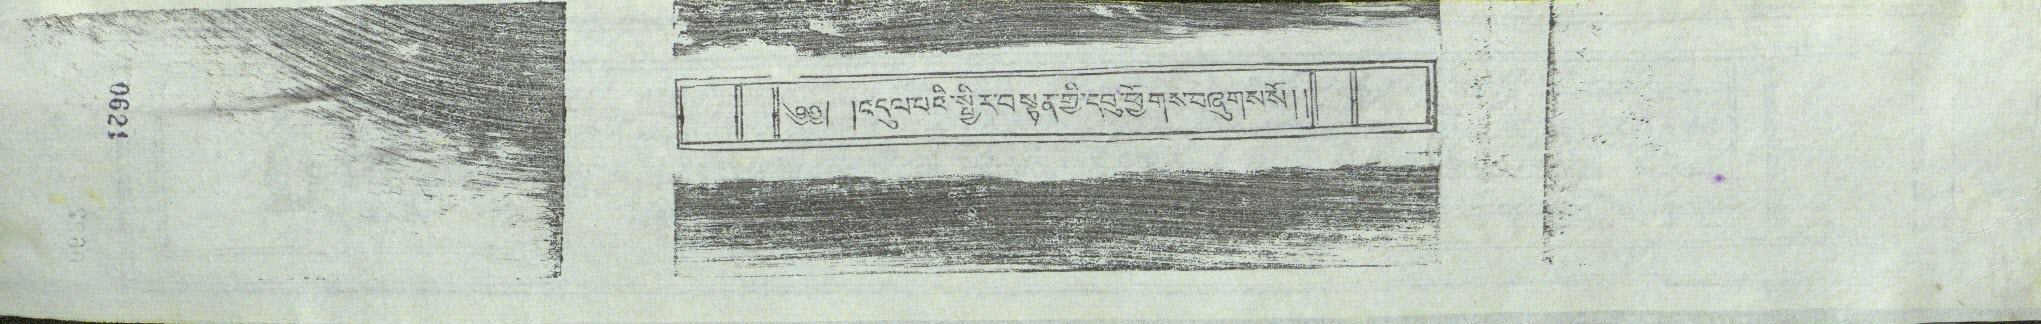༦?
༄༅། །འདུལ་བའི་སྤྱིར་བསྟན་གྱི་དབུ་ཕྱོགས་བཞུགས་སོ། །